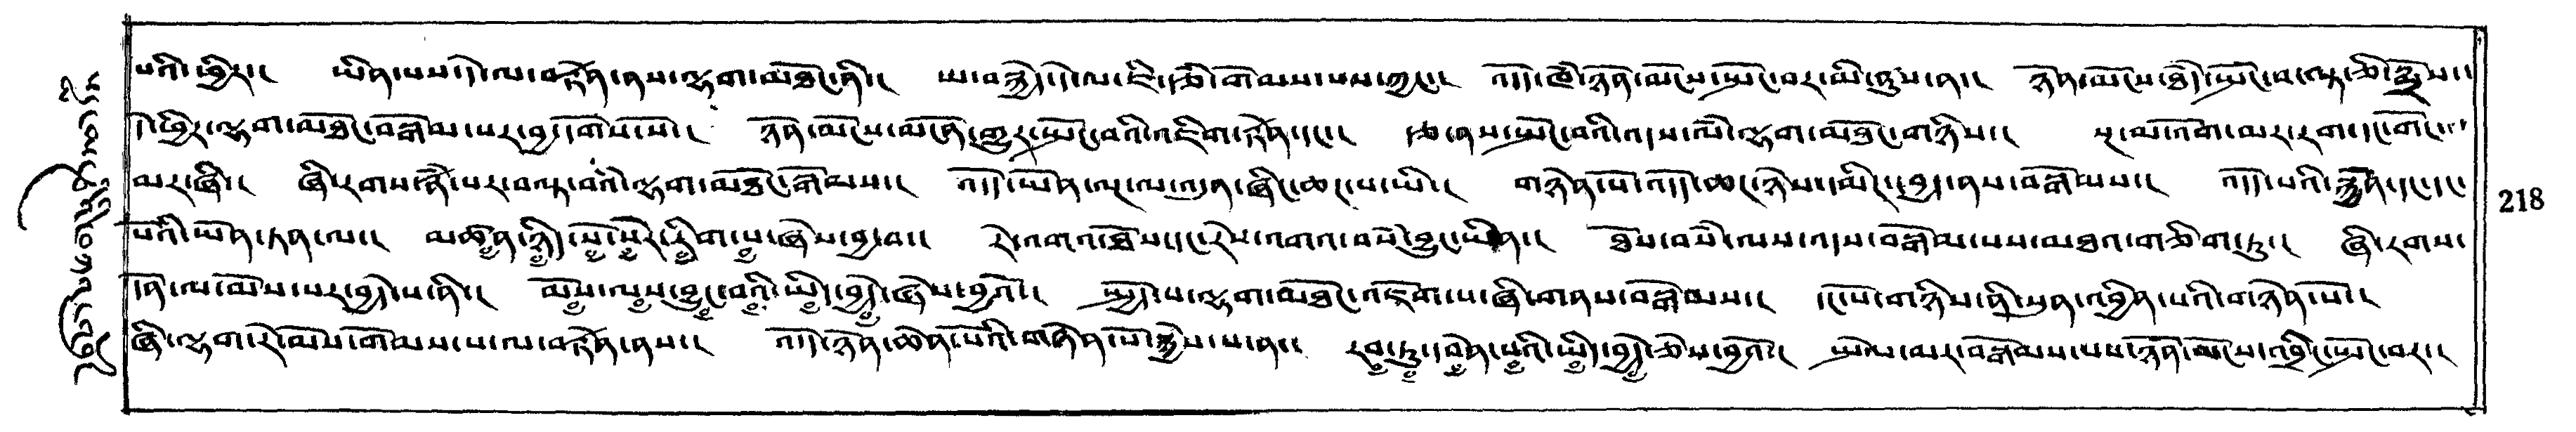པའི་ཕྱིར། །ཡིན་པས་དེ་ལ་བརྟེན་ནས་ལྷག་མཐོང་ནི། །མ་བསྐྱེད་དེ་ལ་ཇི་ཙམ་གོམས་པས་ཀྱང་། །འདོད་ཁམས་ཉོན་མོངས་སྤོང་བར་མི་ནུས་ན། །ཉོན་མོངས་ཐམས་ཅད་སྤོང་བ་ལྟ་ཅི་སྨྲོས། །
དེ་ཕྱིར་ལྷག་མཐོང་བསྒོམ་པར་བྱ་དགོས་སོ། །ཉོན་མོངས་མངོན་གྱུར་སྤོང་བའི་འཇིག་རྟེན་དང་། །རྩད་ནས་སྤོང་བའི་འདས་ལམ་ལྷག་མཐོང་གཉིས། །སྔ་མ་འོག་མར་རགས་དང་གོང་
མར་ཞི། །ཞི་རགས་རྣམ་པར་བལྟ་བའི་ལྷག་མཐོང་སྒོམས། །འདོད་ཡོན་ལྔ་ལ་འདུན་ཞིང་ཆགས་པ་ཡི། །གཉེན་པོ་འདོད་ཆགས་ཉེས་དམིགས་དཔྱད་ནས་བསྒོམས། །འདོད་པའི་སྐྱོན་དང་དང་
པོའི་ཡོན་ཏན་ལ། །མཚན་ཉིད་སོ་སོར་རིག་པ་ཞེས་བྱ་བ། །རེ་འགའ་ཐོས་དང་རེས་འགའ་བསམ་བྱུང་ཡིན། །ཐོས་བསམ་ལས་འདས་བསྒོམ་པས་མཐའ་གཅིག་ཏུ། །ཞི་རགས་
དོན་ལ་མོས་པར་བྱེད་པ་ནི། །མོས་ལས་བྱུང་བའི་ཡིད་བྱེད་ཞེས་བྱའོ། །སྤྱོད་པ་ལྷག་མཐོང་འཇོག་པ་ཞི་གནས་བསྒོམས། །དང་པོ་གཉིས་ནི་སུན་འབྱིན་པའི་གཉེན་པོ། །
ཞི་ལྷག་རེ་མོས་གོམས་པ་ལ་བརྟེན་ནས། །འདོད་ཉོན་ཆེན་པོའི་གཉེན་པོ་སྐྱེས་པ་ན། །རབ་ཏུ་དབེན་པའི་ཡིད་བྱེད་ཅེས་བྱའོ། །སྤེལ་མར་བསྒོམས་པས་ཉོན་མོངས་འབྲིང་སྤོང་བར། །